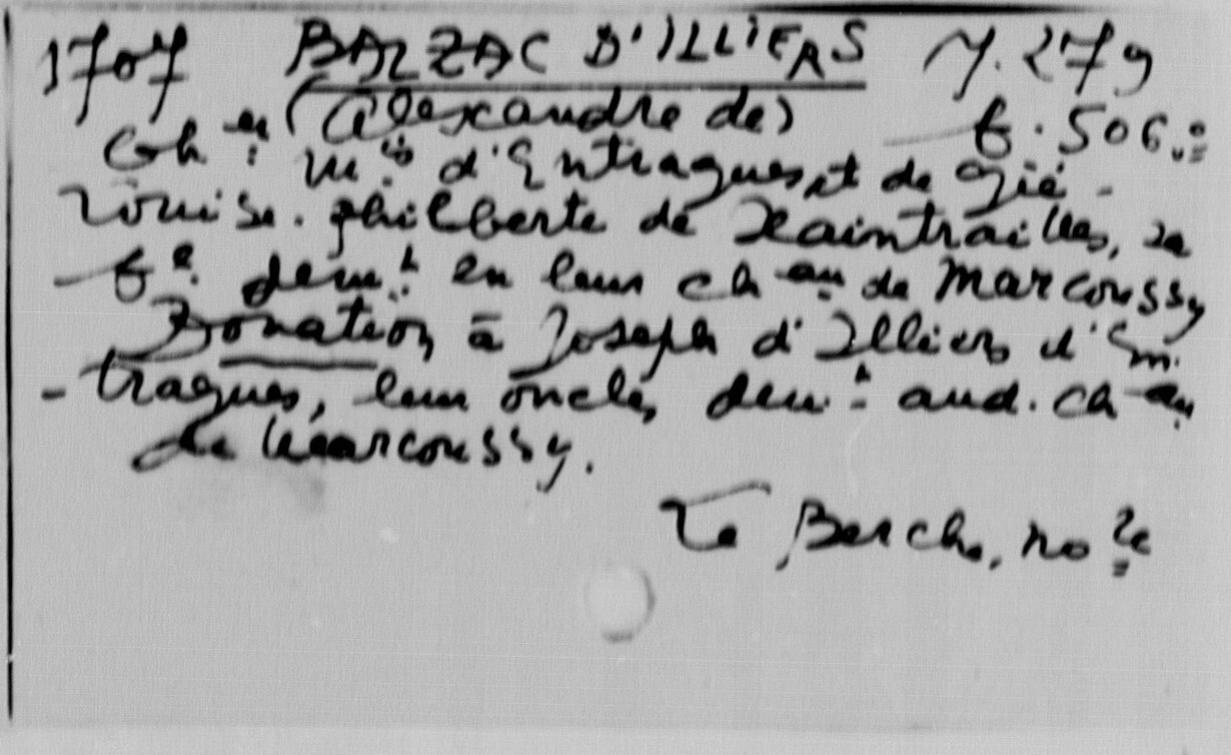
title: BALZAC D'ILLIERS (Alexandre de)
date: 1707
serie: Y
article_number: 279
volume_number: folio 506 verso
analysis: Chevalier marquis d'Entragues et de Gié, Louise-Philberte de Xaintrailles, sa femme, demeurant en leur château de Marcoussy Donation à Joseph d'Illiers d'Entragues, leur oncle, demeurant audit Château de Marcoussy. Le Berche, notaire
